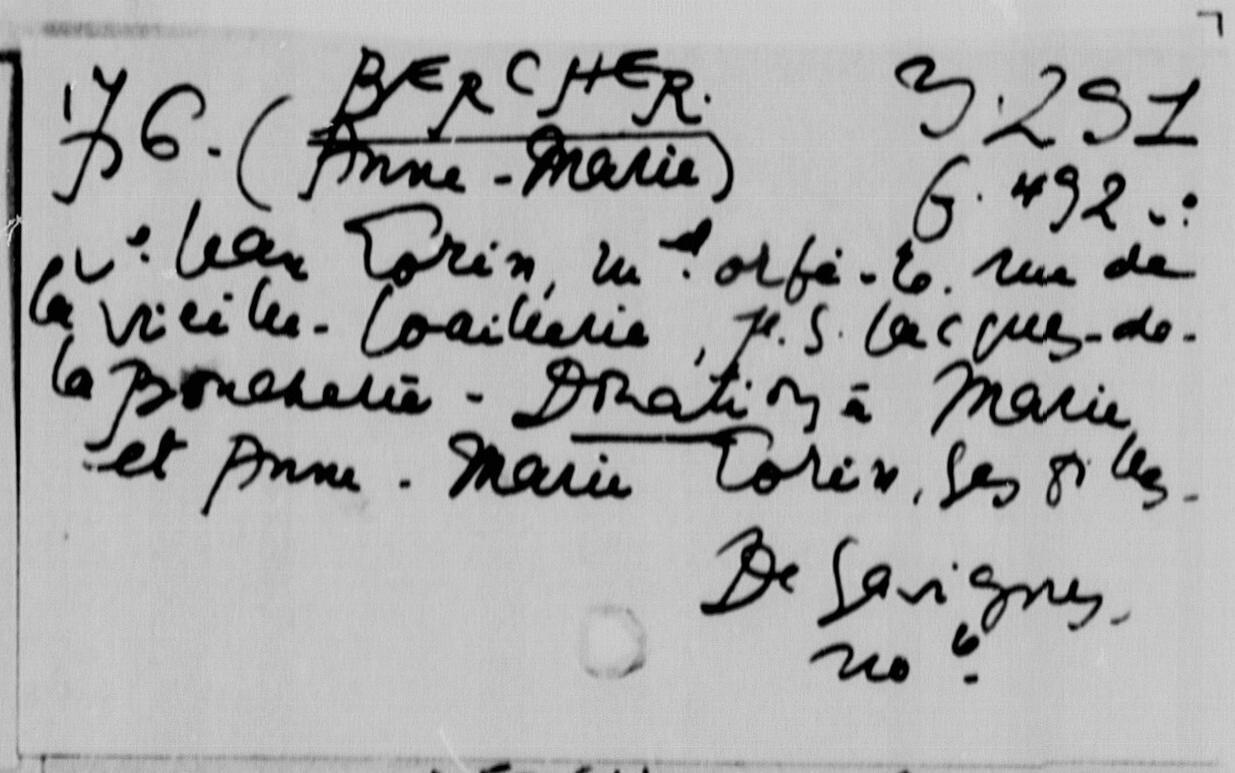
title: BERCHER (Anne-Marie)
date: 1716
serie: Y
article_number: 291
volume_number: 492v
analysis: Veuve Jean LORIN, marchand orfèvre, rue de la Vieille-Joaillerie, paroisse Saint-Jacques-de-la Boncherie. Donation à Marie et Anne-Marie Lorin, ses Silles. De Savigny, notaire.
